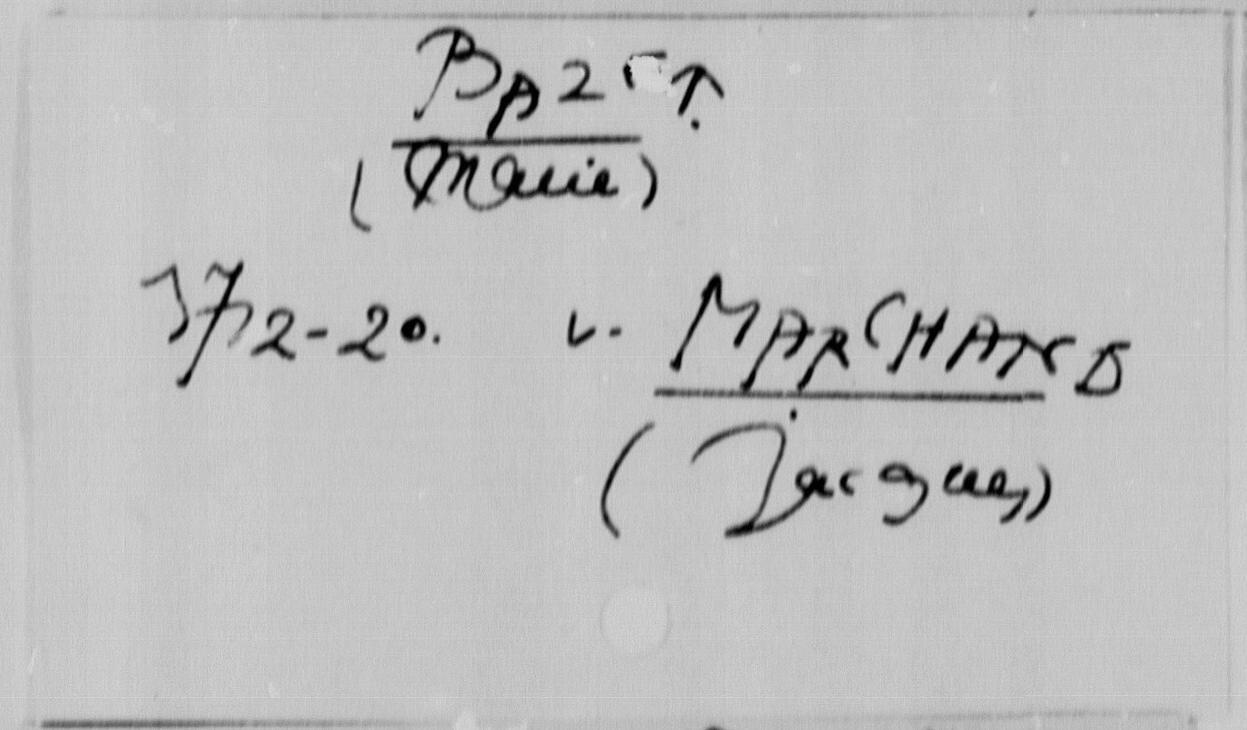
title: BAZET (Marie)
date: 1712-1720
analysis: Voir MARCHAND (Jacques)
